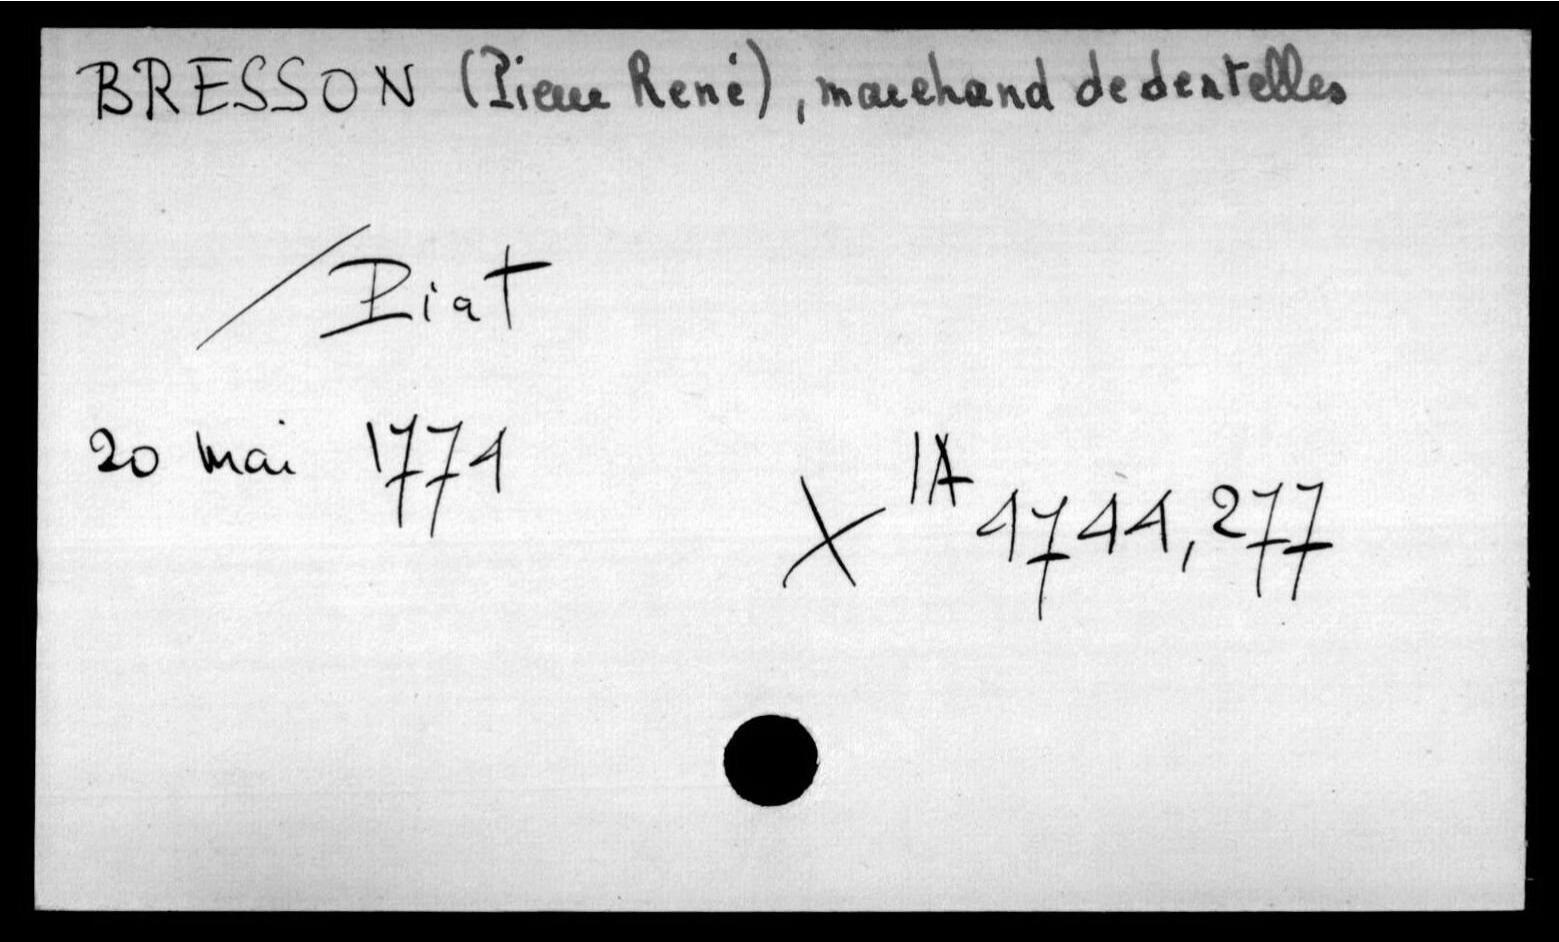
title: BRESSON (Pierre René), marchand de dentelles
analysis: Contre Piat
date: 20 mai 1774
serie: X1A
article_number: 4744
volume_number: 277
